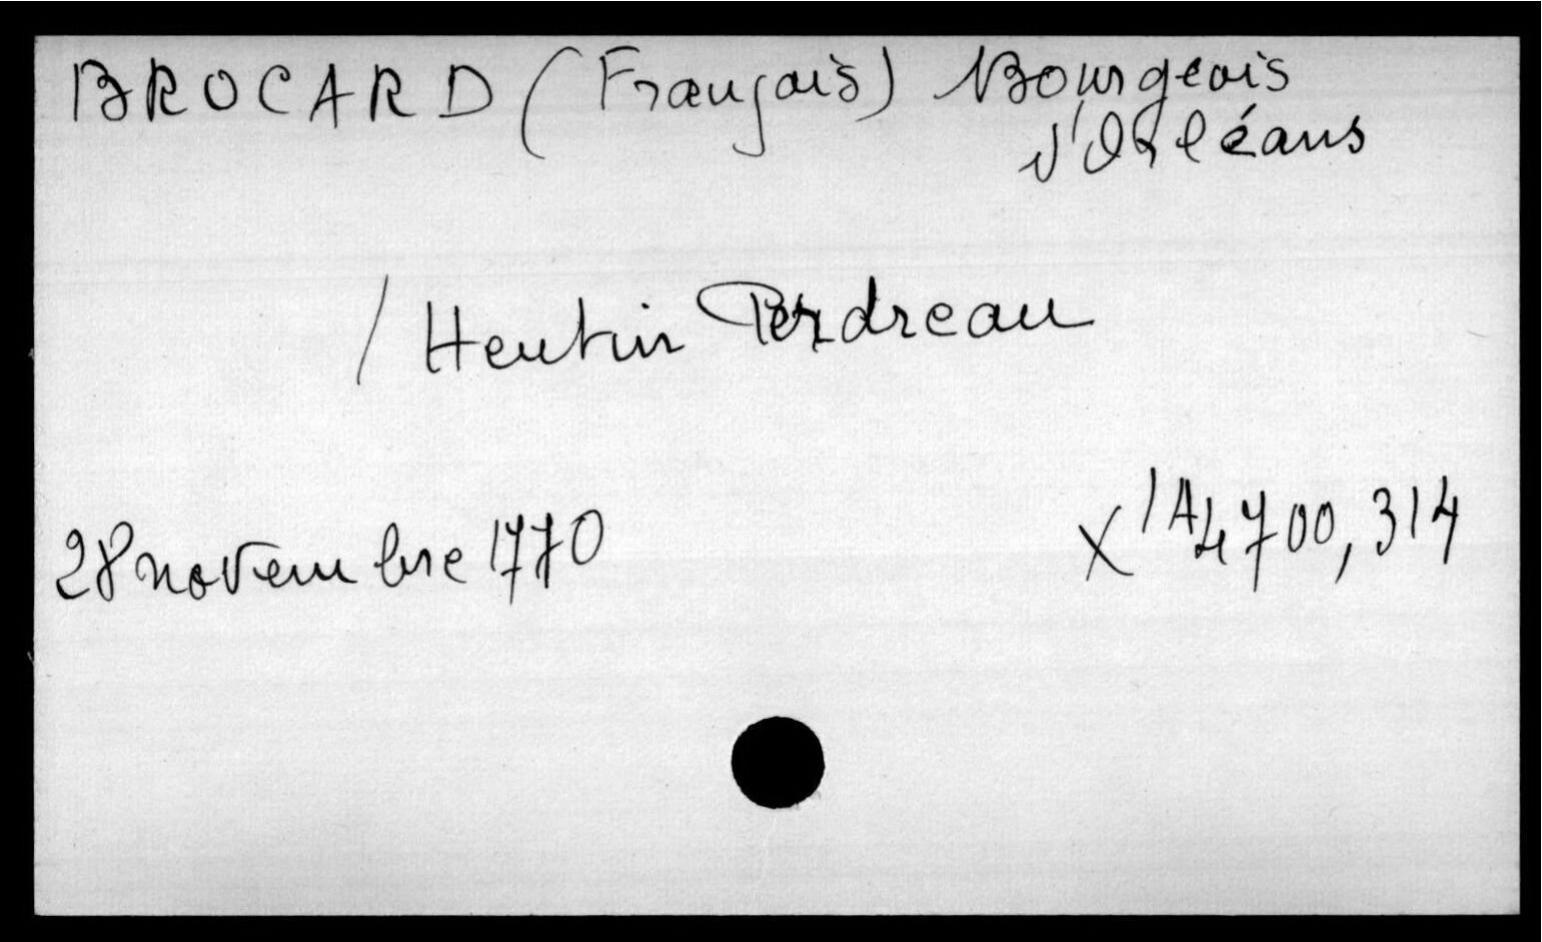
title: BROCARD (François) Bourgeois d'Orléans
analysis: Contre Hentin Perdreau
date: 28 novembre 1770
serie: X1A
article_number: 4700
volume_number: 314
